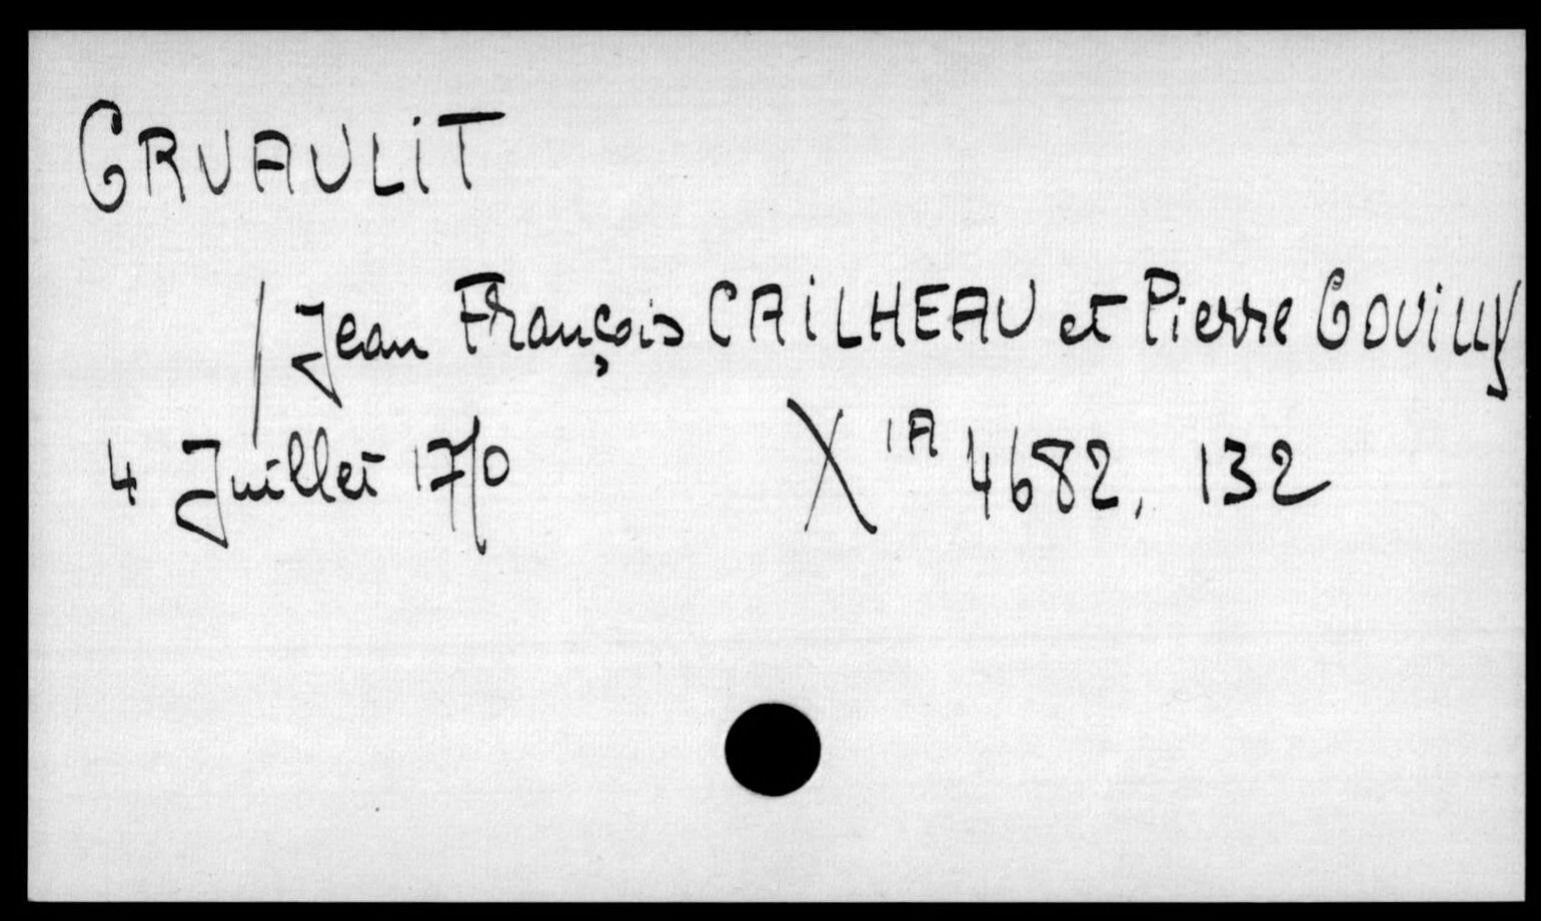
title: GRUAULIT
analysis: Contre Jean François CAILHEAU et Pierre GOUILLY
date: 4 juillet 1770
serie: X1A
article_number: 4682
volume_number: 132
